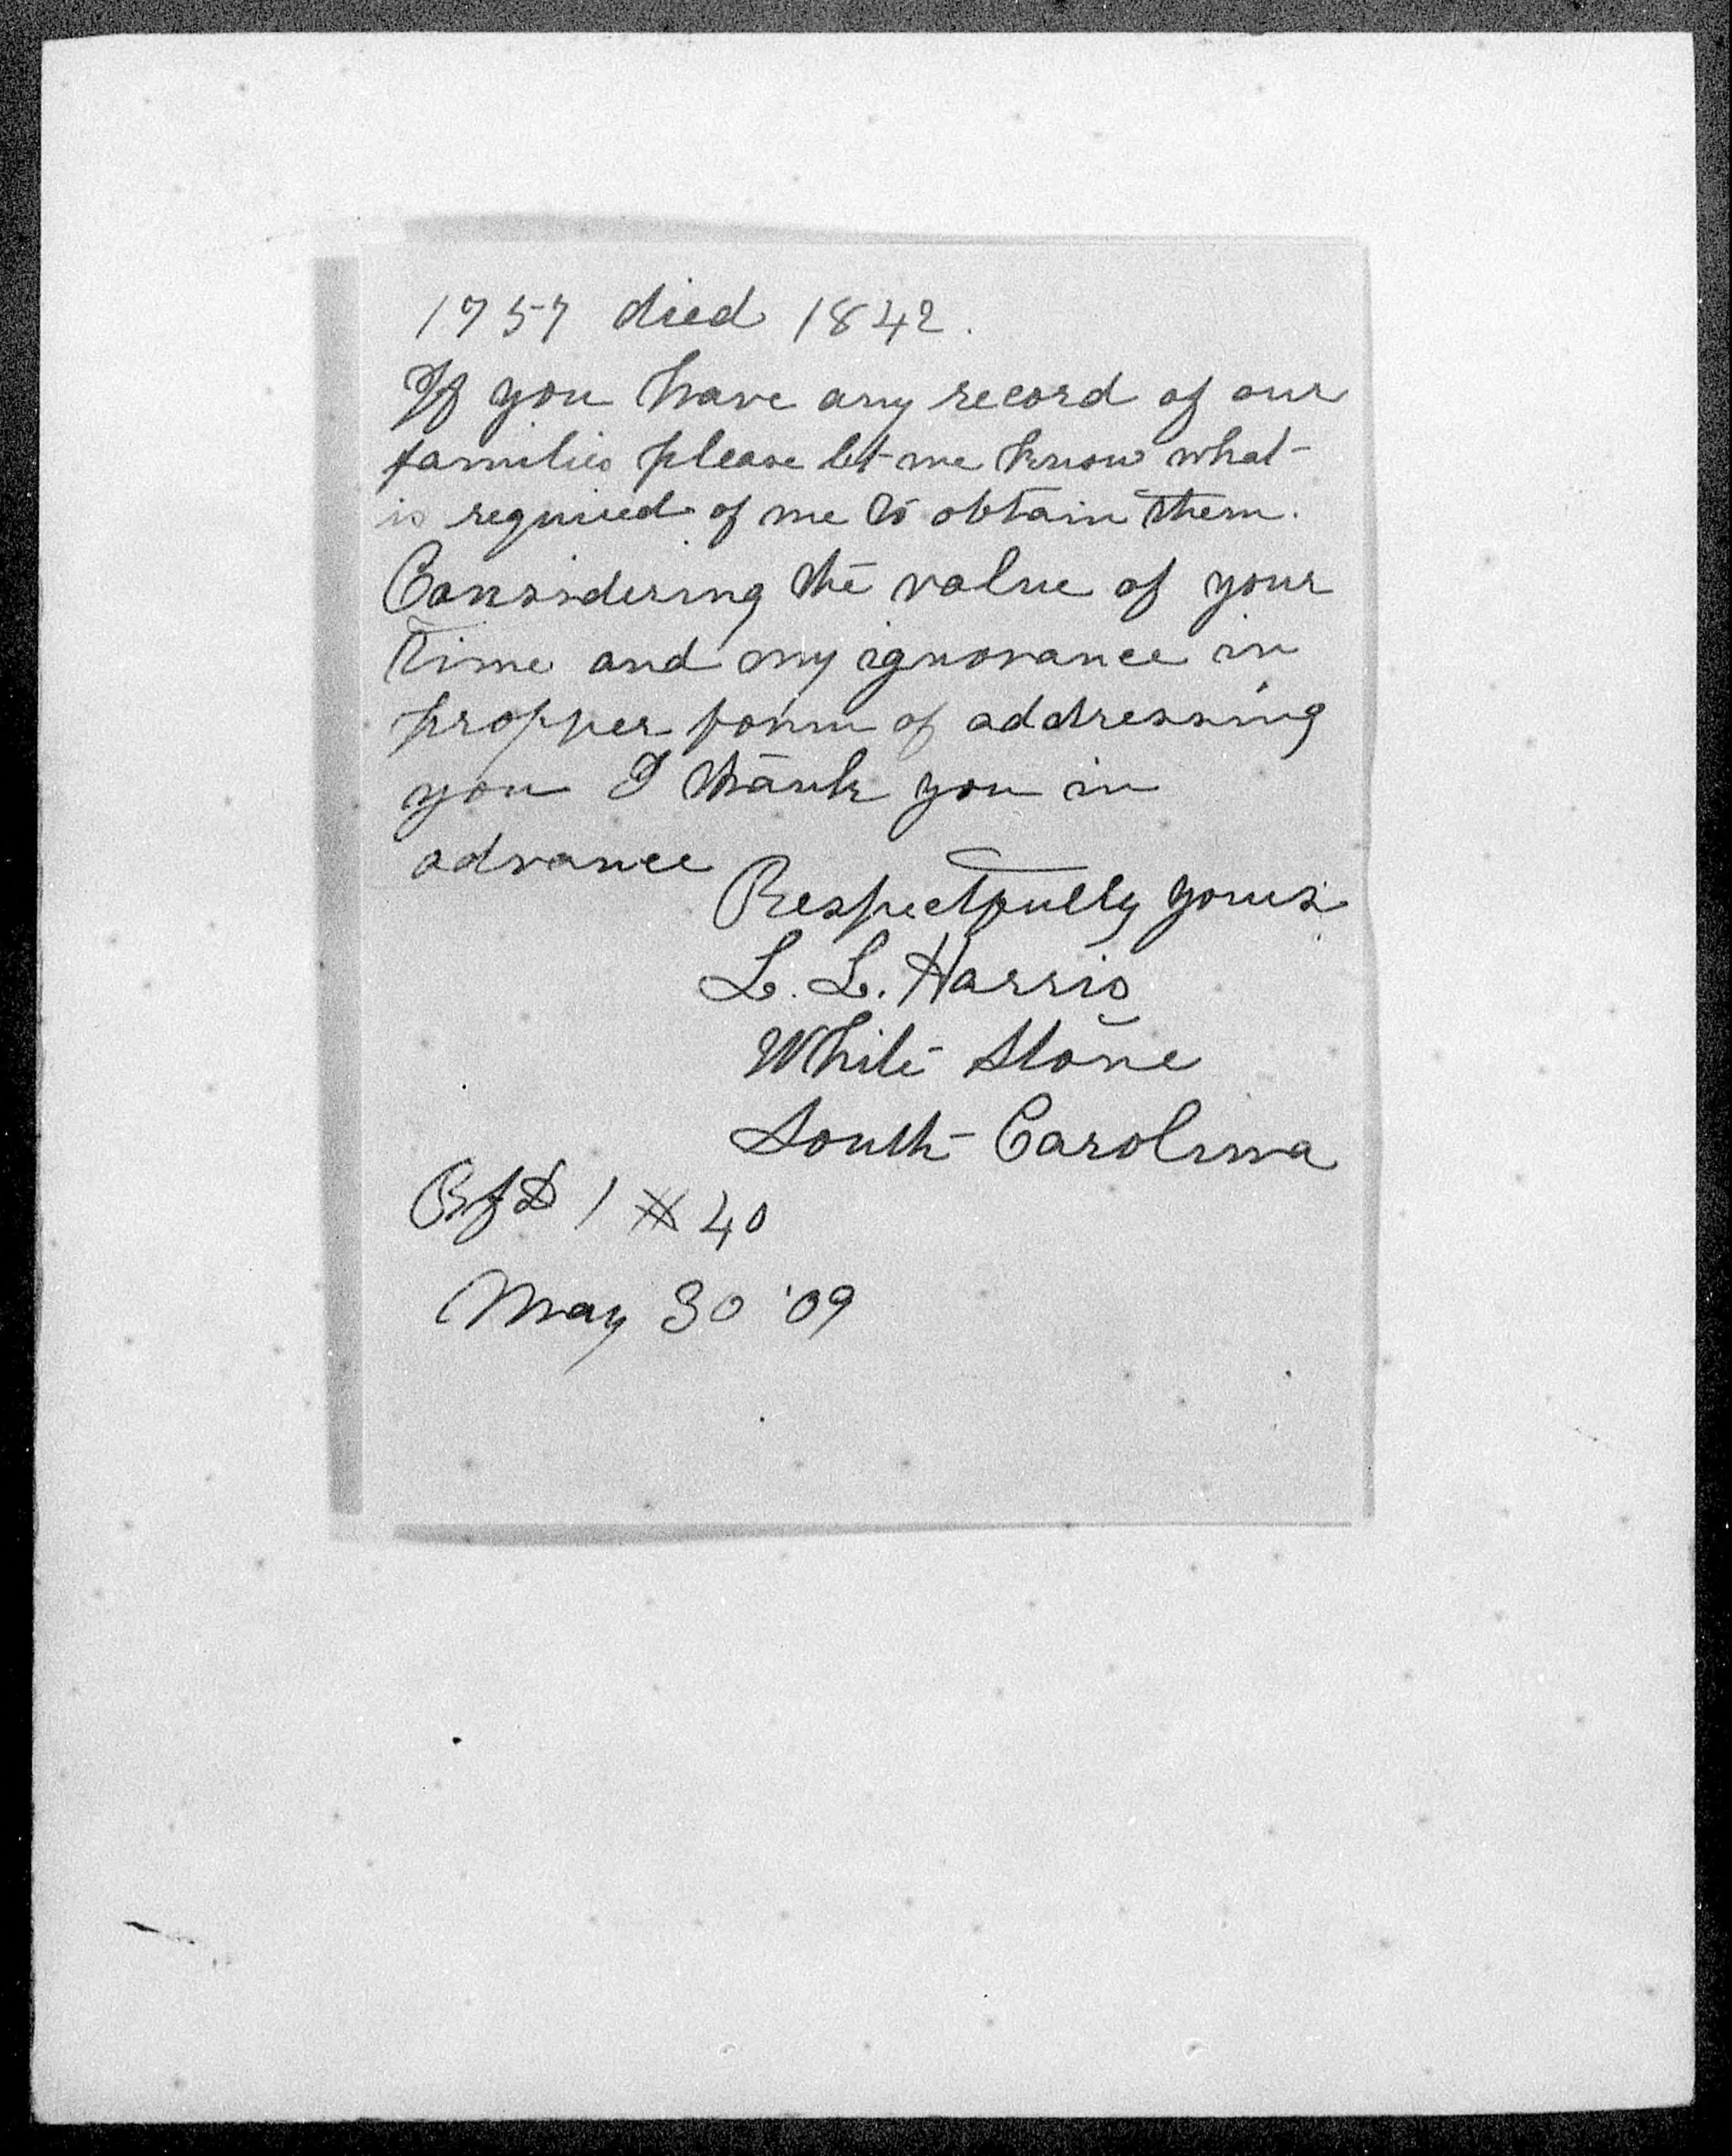1757 died 1842
If you have any record of our
families please let me know what
is required of me to obtain them
Considering the value of your
time and my ignorance in
proper form of addressing
you I thank you in
advance
Respectfully yours
L. L. Harris
White Stone
South Carolina
RFD1 #40
May 30' 09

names: White, Stone, L L Harris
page: 16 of 57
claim: survivor's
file: S. 18888, David Golightly, S.C.